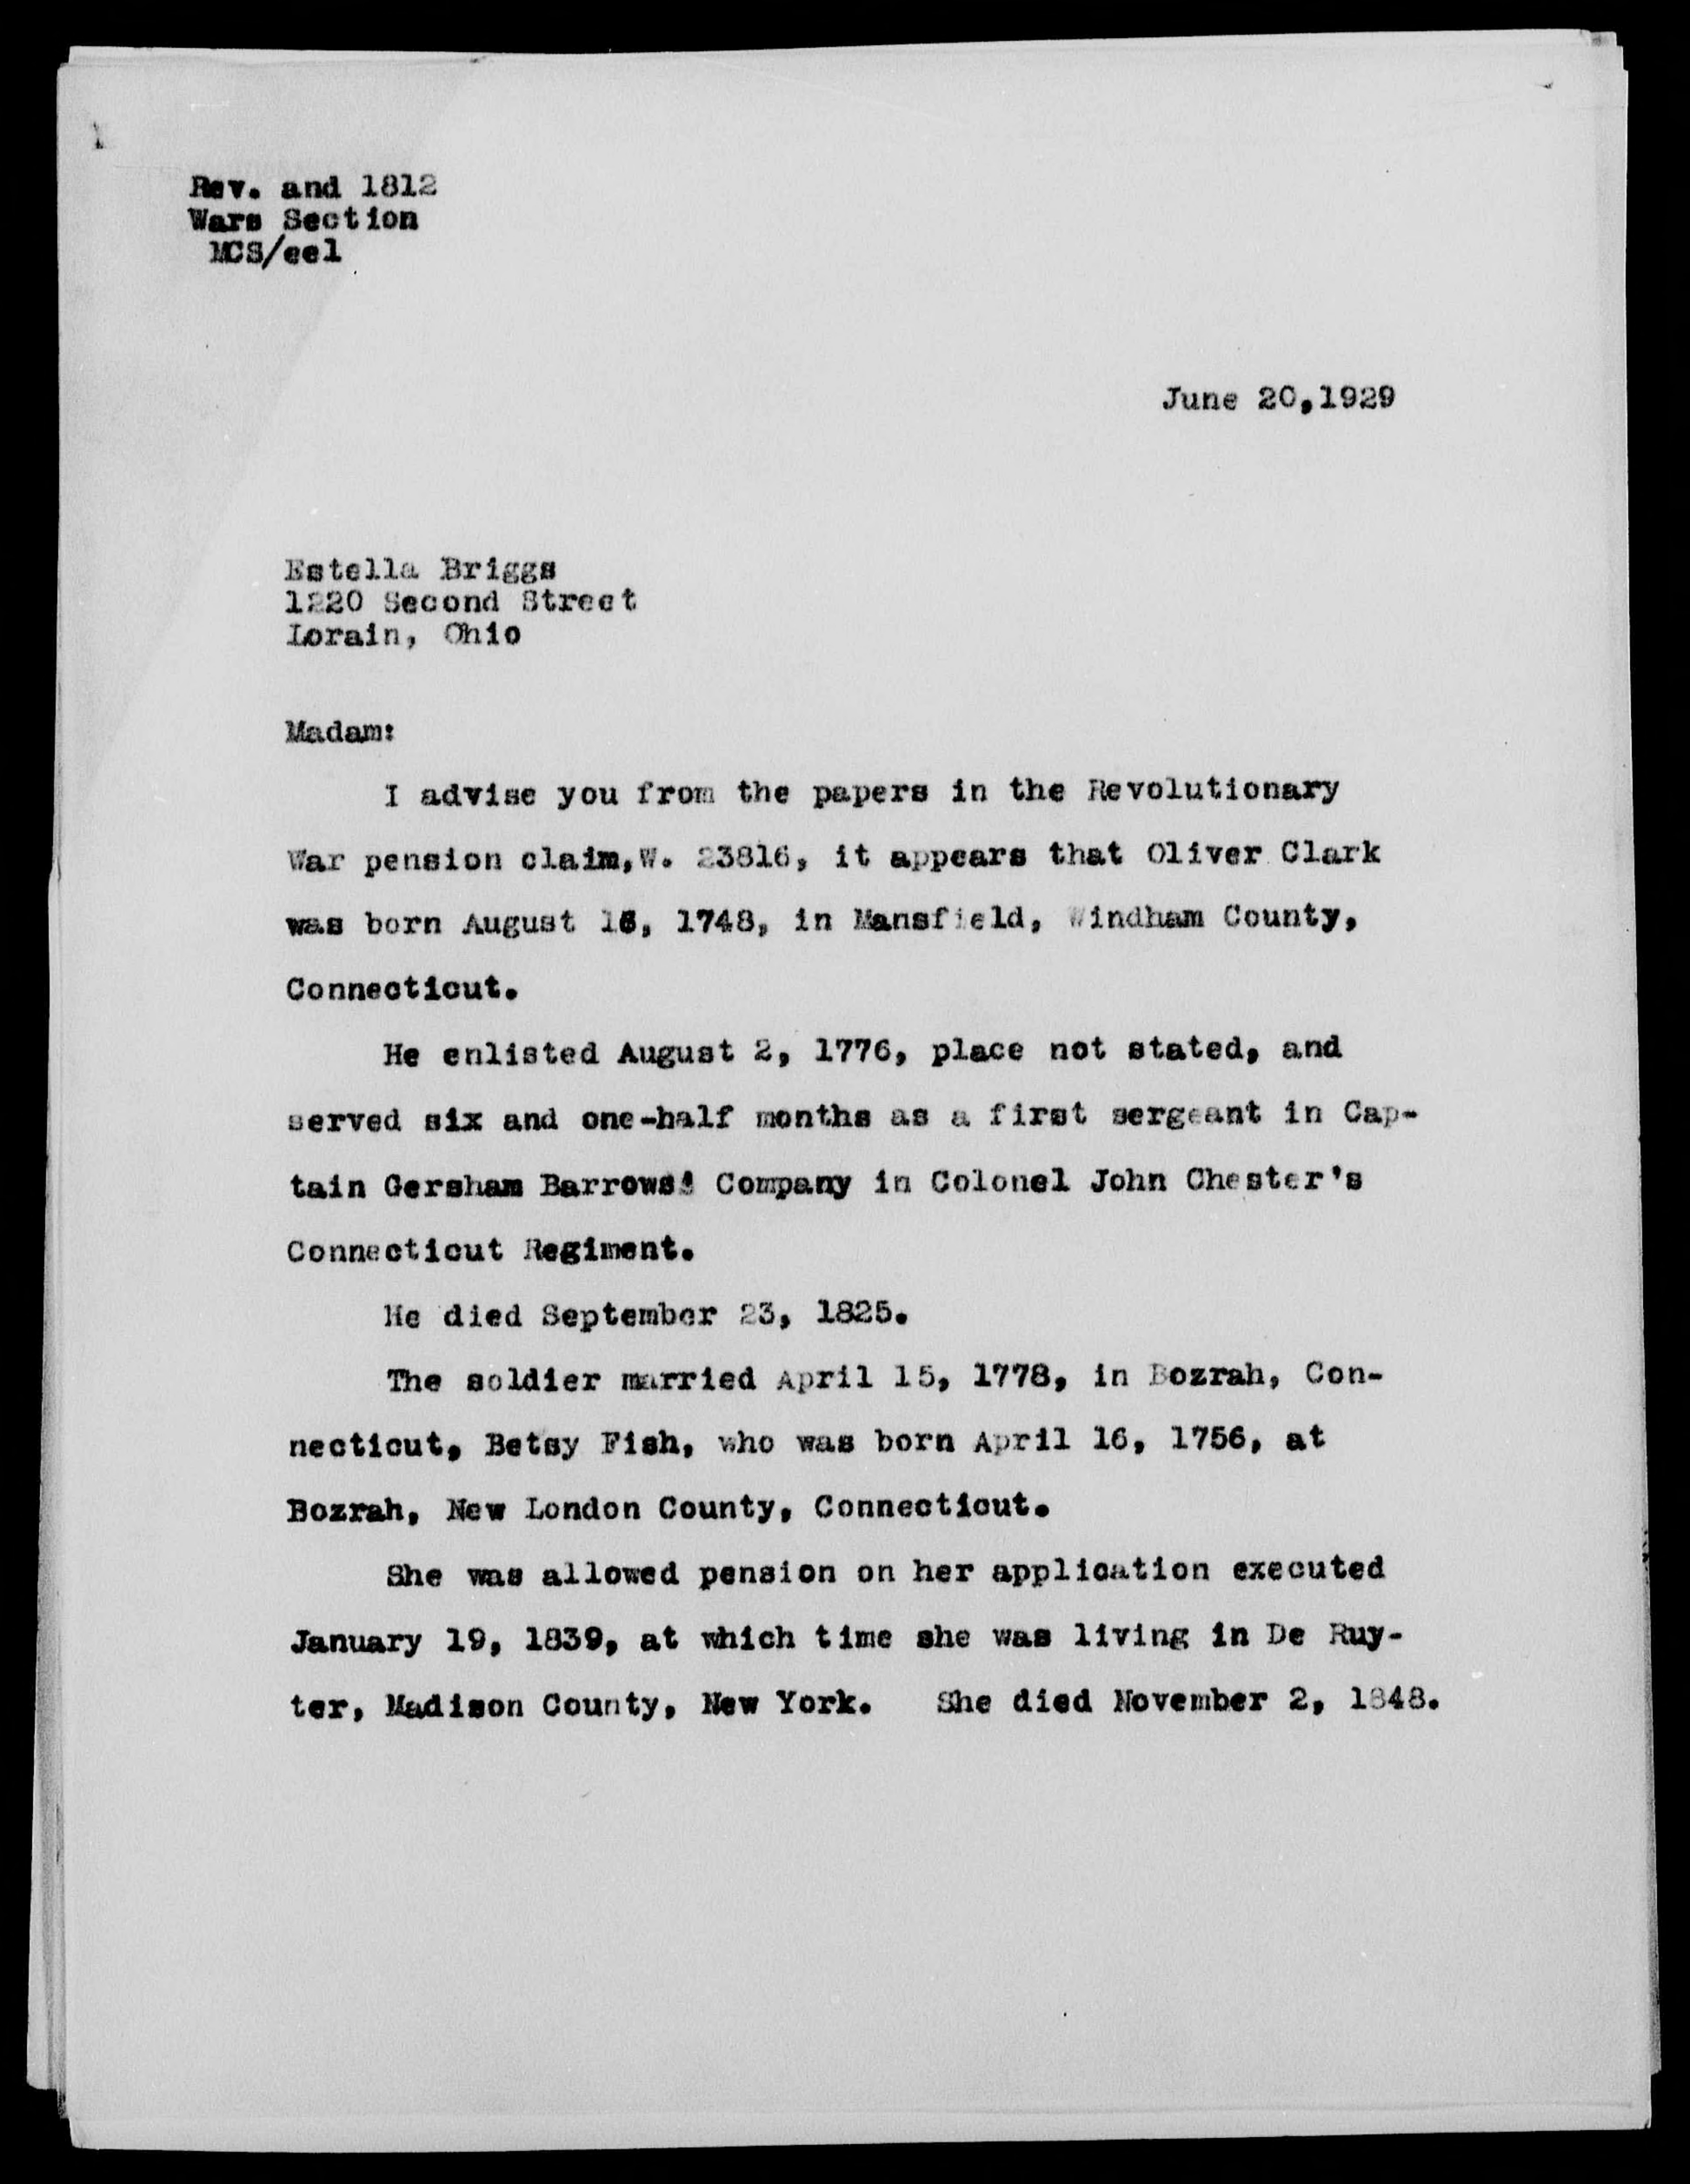[typed]
Rev. and 1812
Wars Section
MCS/eel

June 20, 1929

Estella Briggs
1220 Second Street
Lorain, Ohio

Madam:

I advise you from the papers in the Revolutionary War pension claim, W. 23816, it appears that Oliver Clark was born August 16, 1748, in Mansfield, Windham County, Connecticut. 
He enlisted August 2, 1776, place not stated, and served six and one-half months as a first sergeant in Captain Gersham Barrows’ Company in Colonel John Chester’s Connecticut Regiment. 
He died September 23, 1825. 
The soldier married April 15, 1778, in Bozrah, Connecticut, Betsy Fish, who was born April 16, 1756, at Bozrah, New London County, Connecticut.
 She was allowed pension on her application executed January 19, 1839, at which time she was living in DeRuyter, Madison County, New York. Betsy Clark died November 2, 1848.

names: Estella Briggs, Betsy Fish, Oliver Clark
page: 20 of 51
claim: widow's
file: W. 23816, Oliver Clark, Conn.